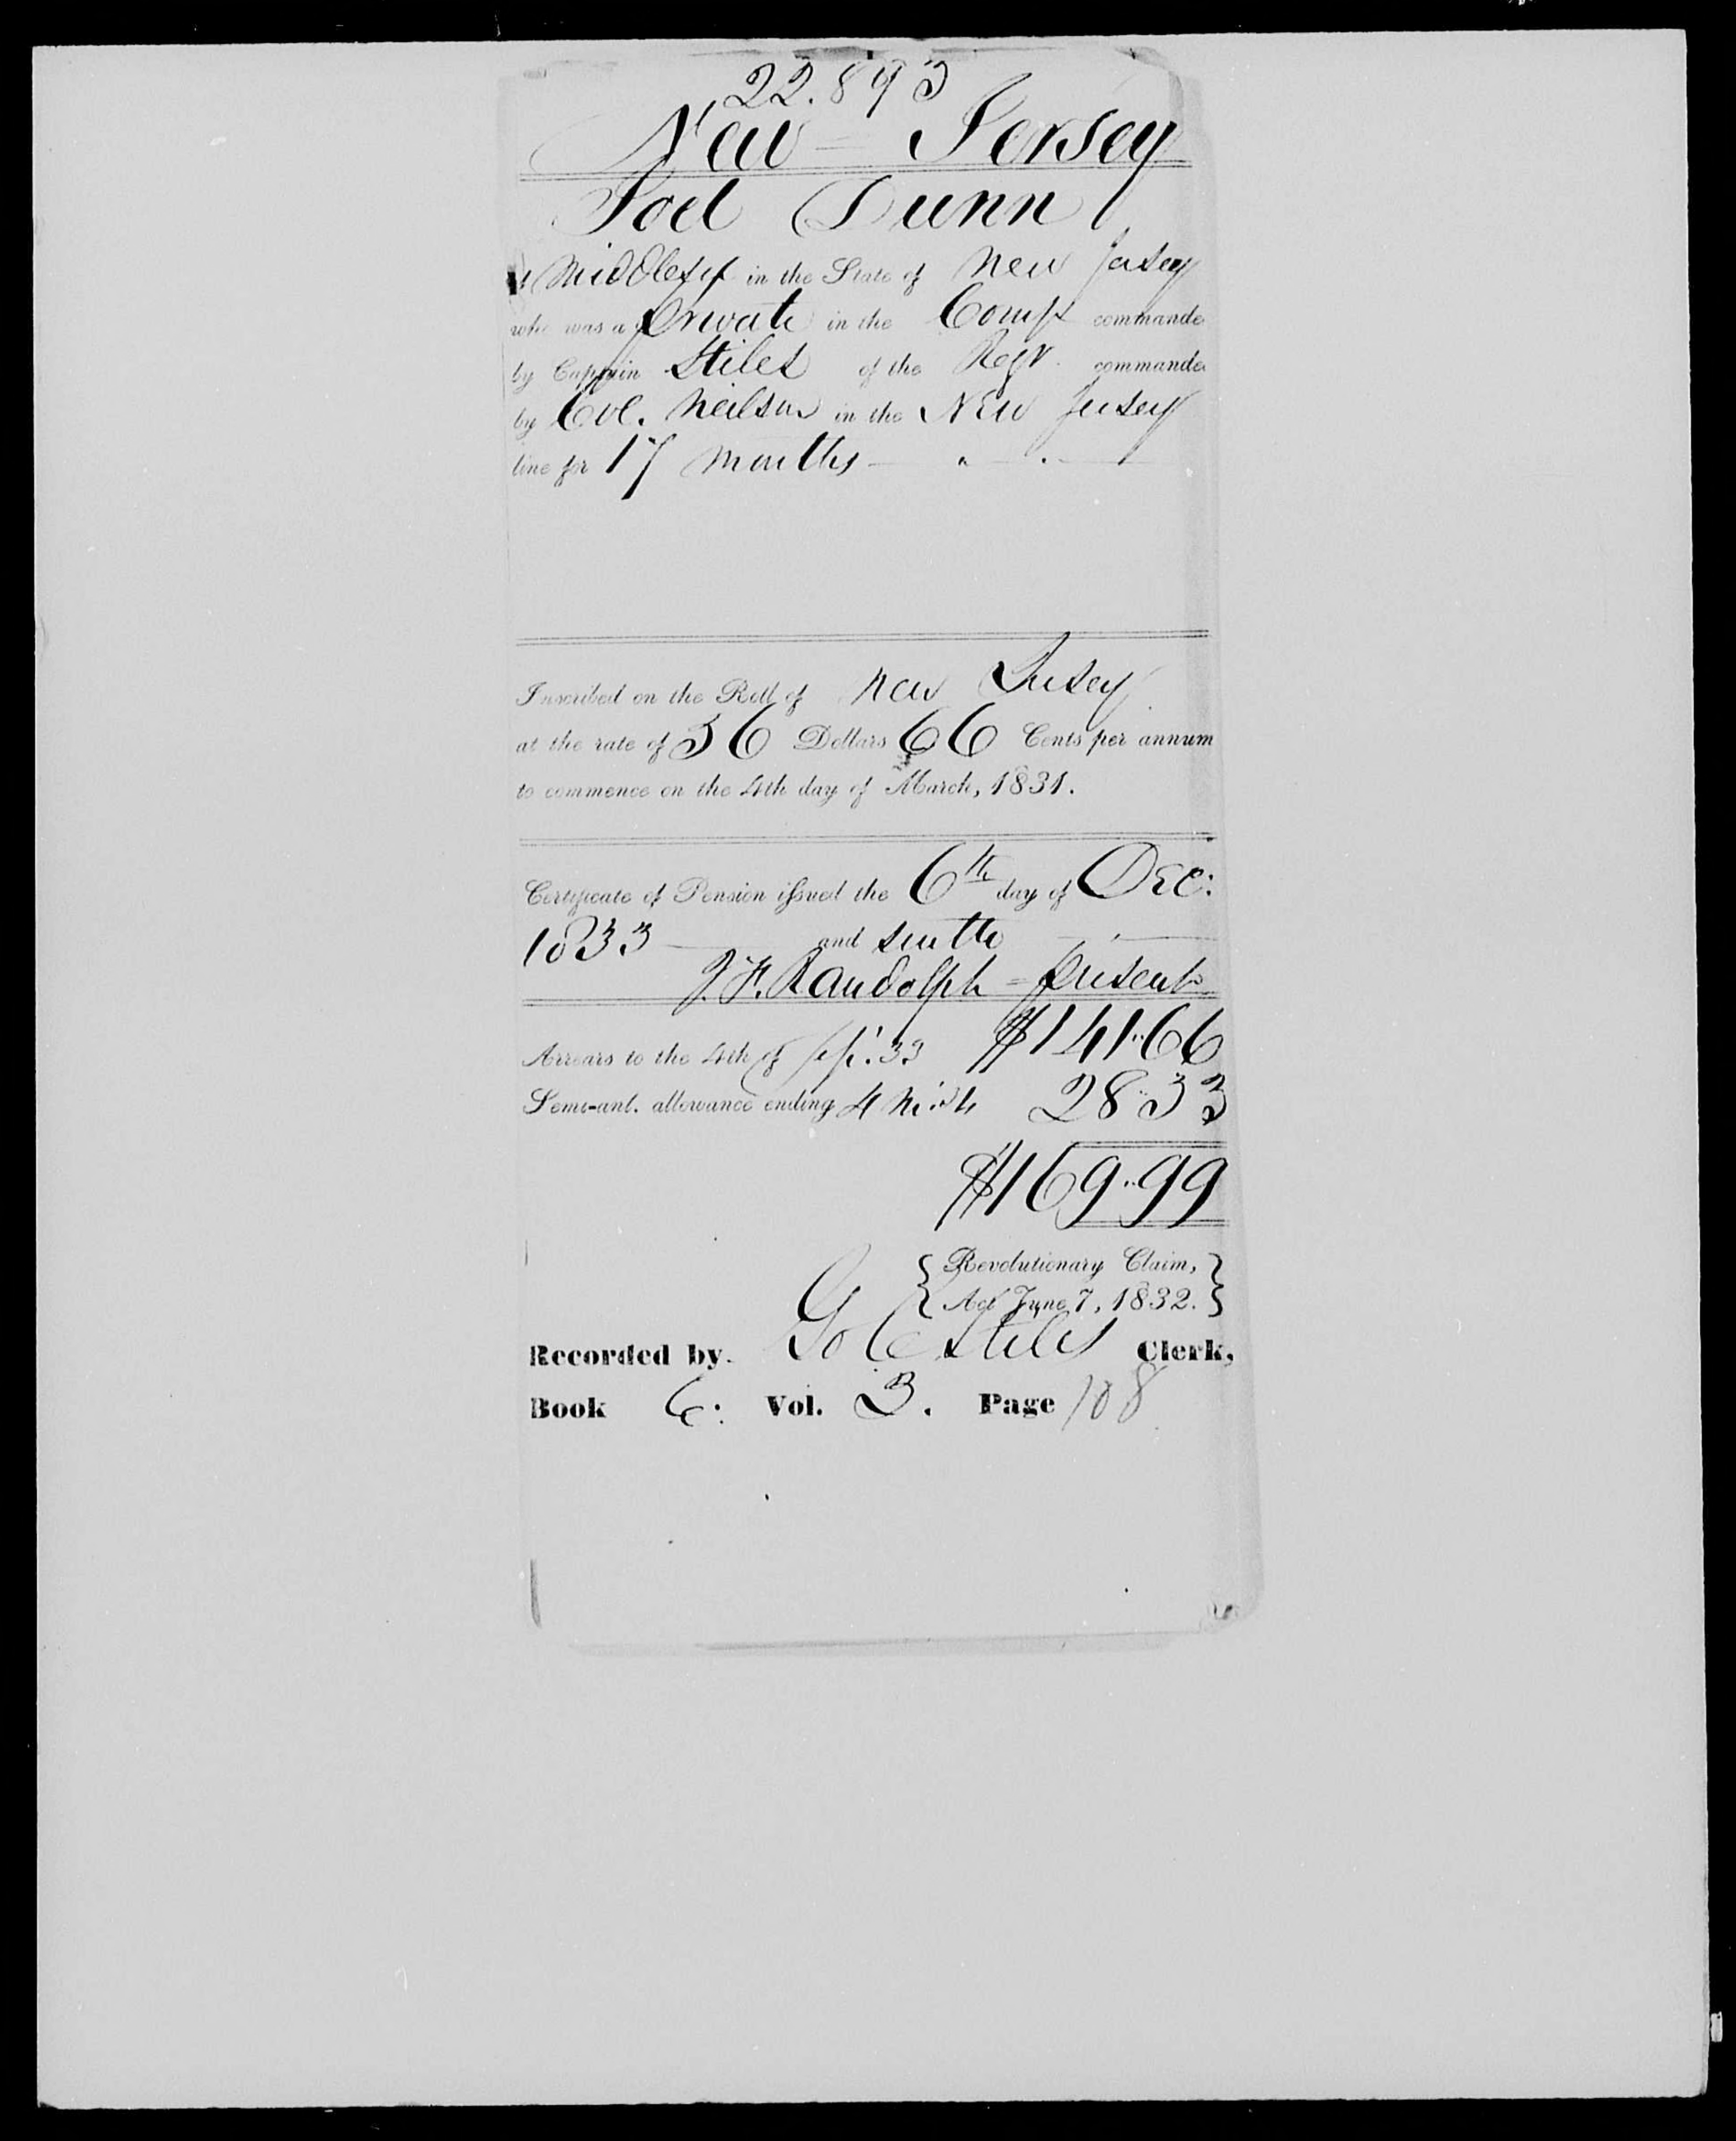22.875
New Jersey
Joel Dunn

Middlesex in the State of New Jersey who was a Private in the Comp commanded
By Captain Stiles of the Regt. Commanded by Col. Neilson in the New Jersey line for 17 months.

Inscribed on the Roll of New Jersey at the rate of 36 Dollars 66 Cents per annum to commence on the 4th day of March, 1831.

Certificate of Pension issued the 6th day of Dec. 1833 and sent to J. F. Randolph present

Arrears to the 4th of Sep 33  $141.66
Semi-anl. allowance ending 4 months   $28.33 
$169.99

Revolutionary Claim,
Act June 7, 1832

Recorded by Go C. Stiles Clerk,
Book 6 Vol. 3 Page 108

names: Joel Dunn, Go C Stiles, Stiles, Neilson, J F Randolph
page: 2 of 52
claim: widow's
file: W. 919, Joel Dunn, New Jersey